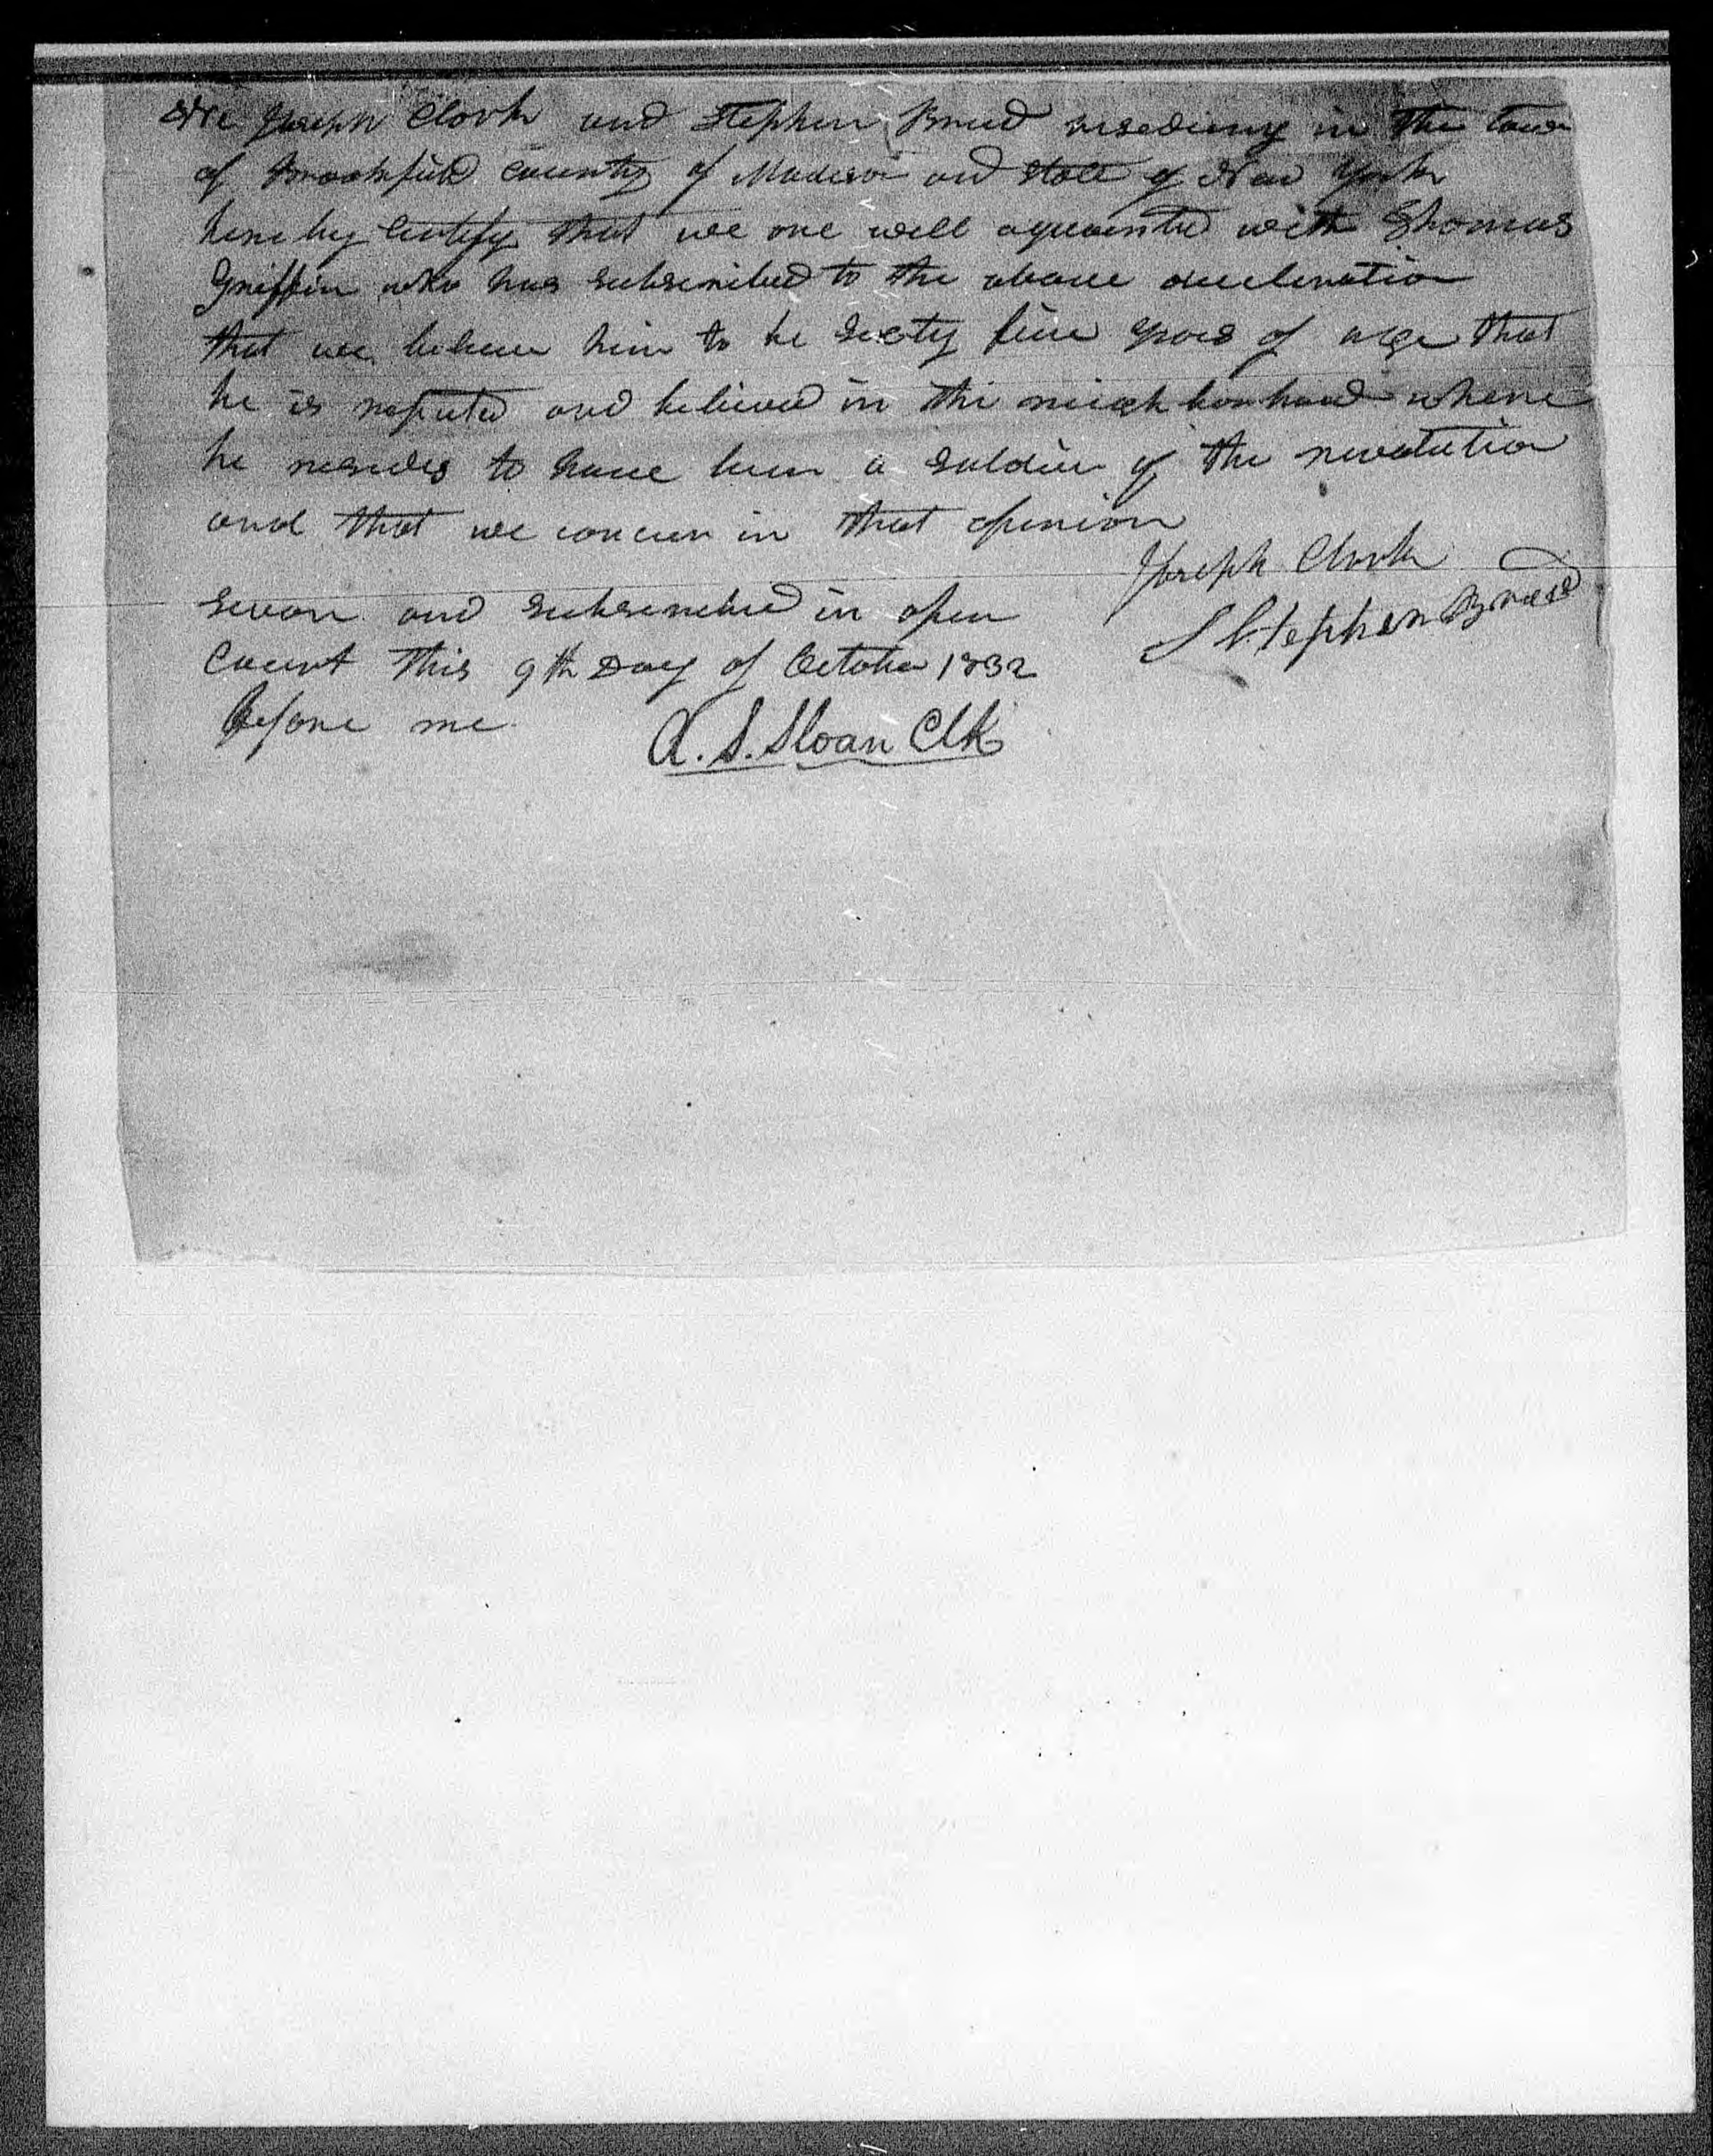We Joseph Clook and Stephen Breed residing in the town of Brookfield County of Madison and State of New York hereby certify that we are well acquainted with Thomas Griffin who has subscribed to the above declaration that we believe him to be sixty five years of age that he resides to have been a soldier of the revolution and that we concur in that opinion
Joseph Clook
Stephen Breed

Sworn and subscribed in open court this 9th day of October 1832 before me
A. S. Sloan Clk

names: Stephen Breed, A S Sloan, Joseph Clook, Joseph Clook, Stephen Brard, Thomas Griffin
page: 7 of 60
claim: widow's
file: W. 19,537, Thomas Griffin, Conn.